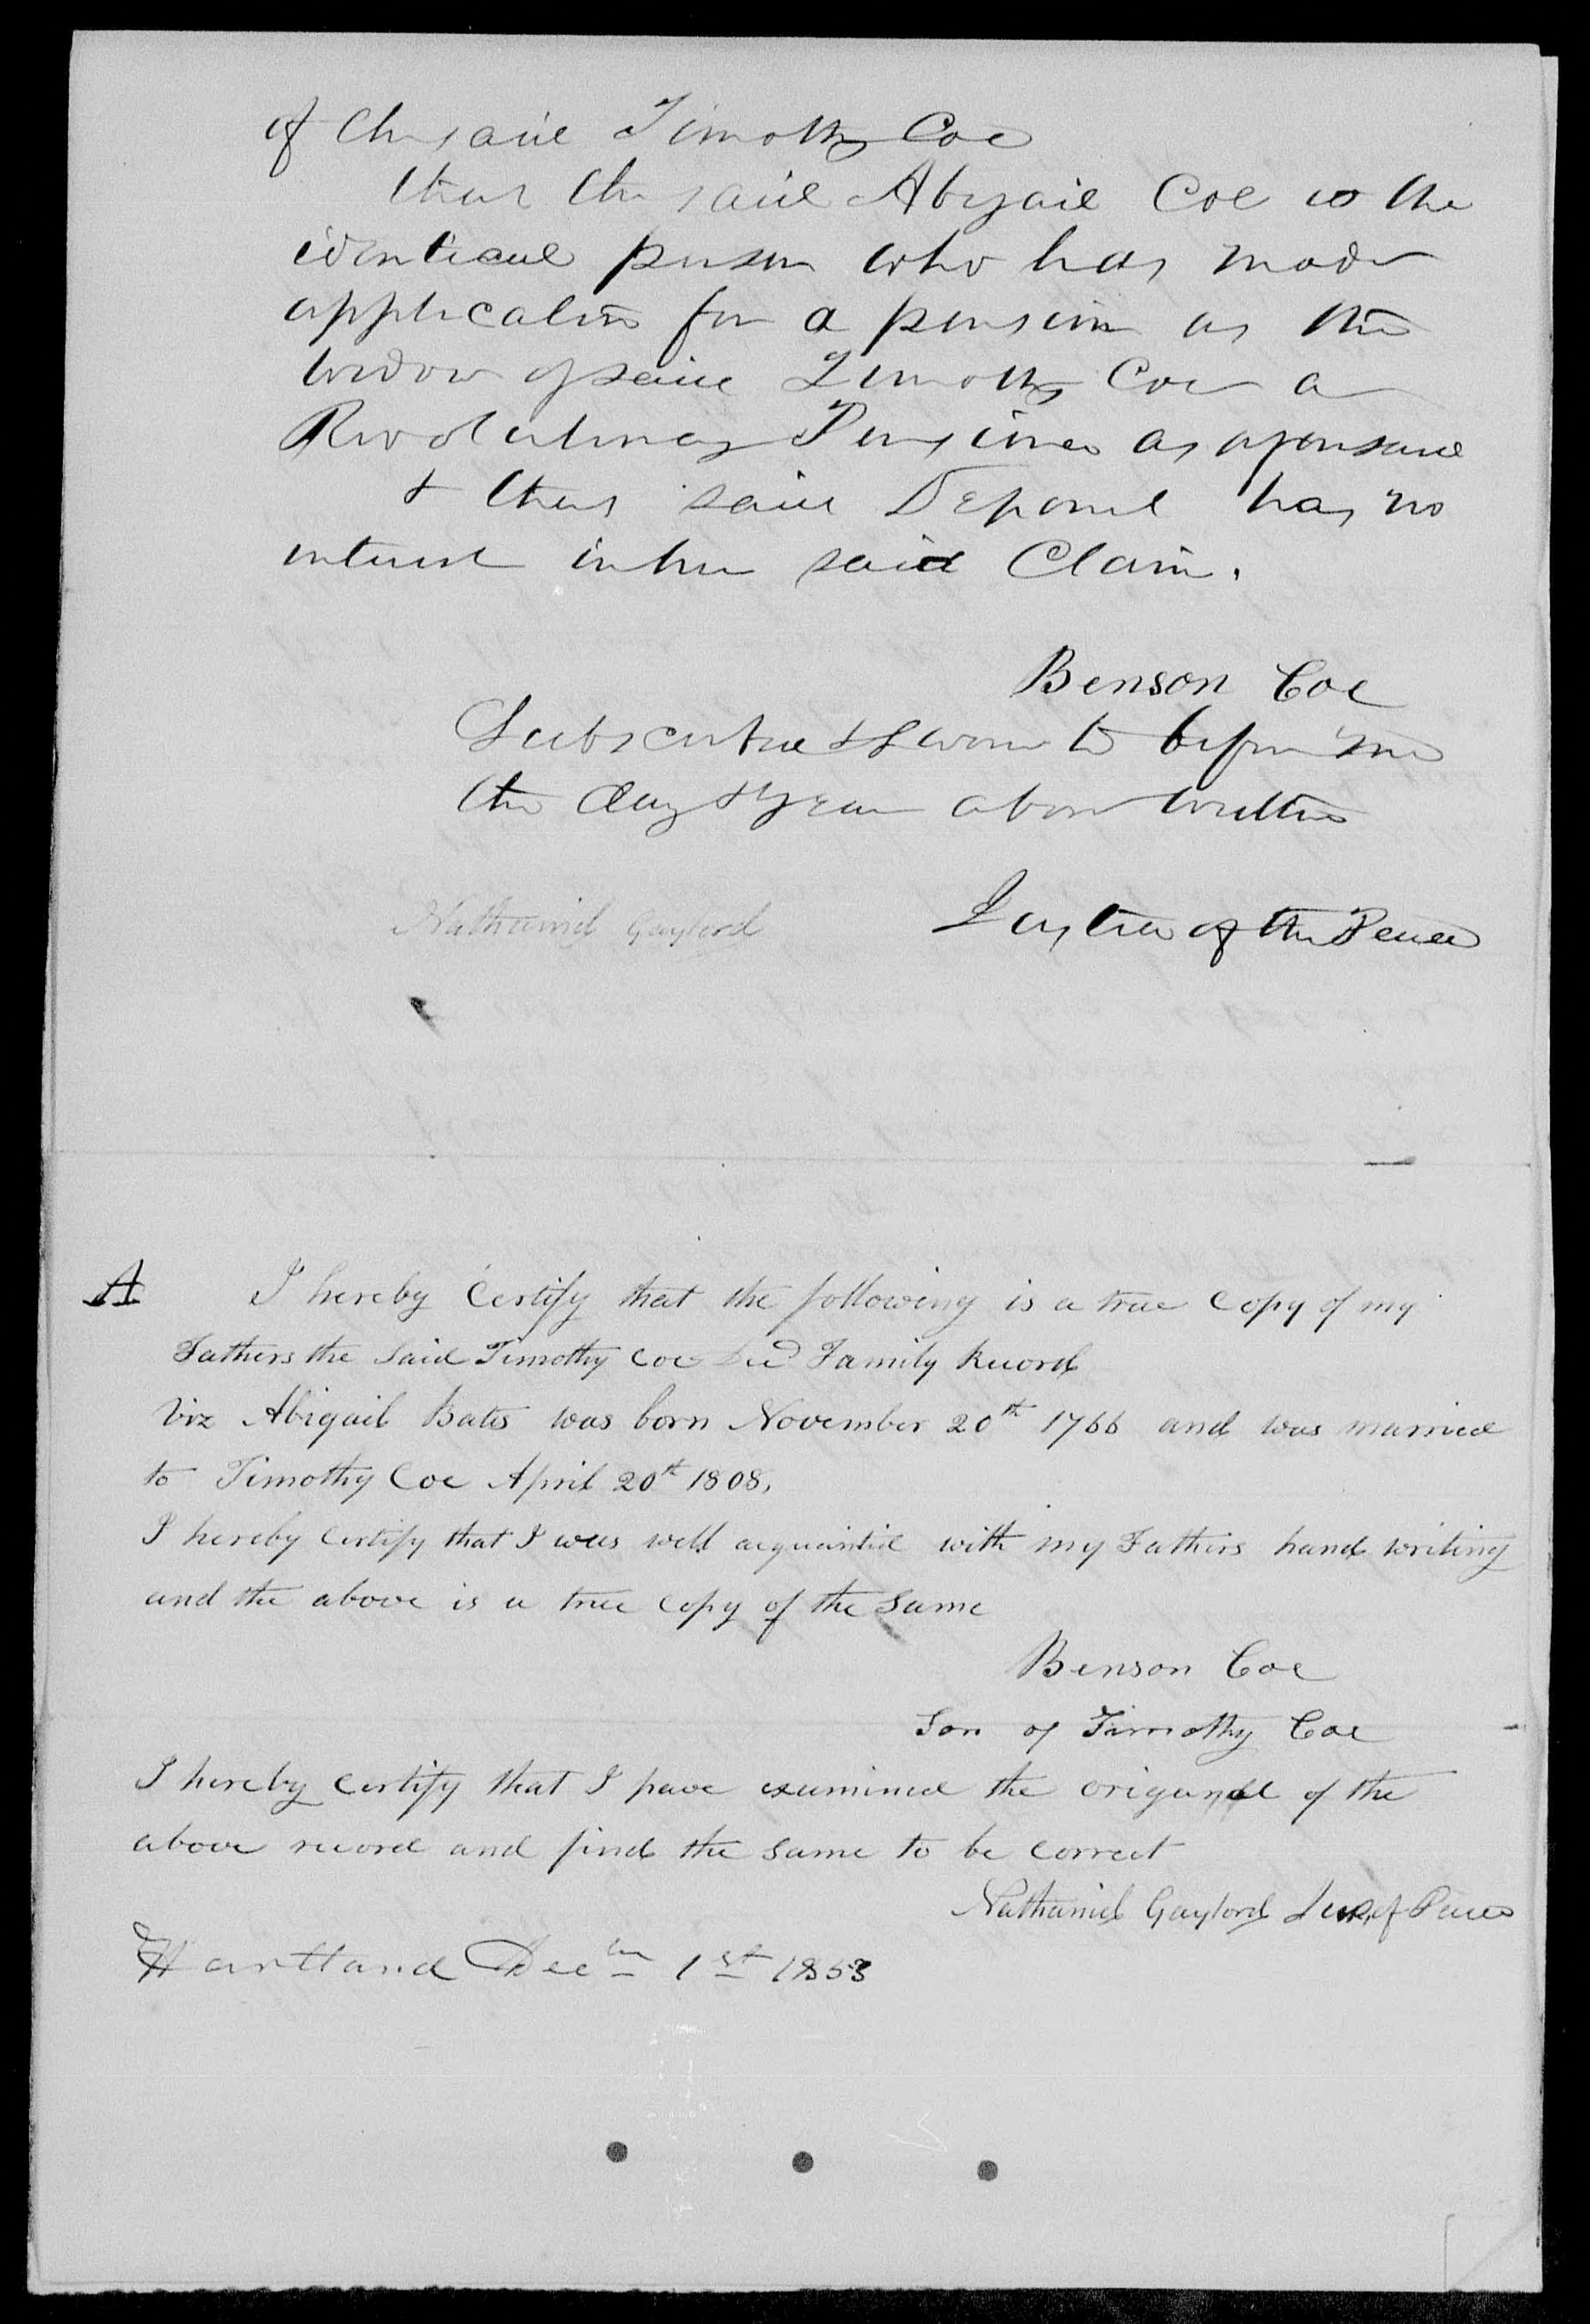of the said Timothy Coe, that the said Abigail Coe is the identical person who has made application for a pension as the widow of said Timothy Coe a Revolutionary Pensioner as aforesaid & this said Depnent has no interest in her said claim.
Benson Coe

Subscribed & sworn to before me the day & year above written.
Nathaniel Gaylord Justice of the Peace


A I hereby certify that the following is a true copy of my Father the said Timothy Coe decd Family Records
viz Abigail Bates was born November 20th 1766 and was married to Timothy Coe April 20th 1808,
I hereby certify that I was well acquainted with my Fathers hand writing and the above is a true copy of the same.
Benson Coe
son of Timothy Coe

I hereby certify that I have examined the original of the above record and find the same to be correct.
Nathaniel Gaylord Just of Peace
Hartland Dec 1st 1853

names: Timothy Coe, Timothy Coe, Abigail Coe, Nathaniel Gaylord, Abigail Bates, Benson Coe, Benson Coe, Nathaniel Gaylord, Timothy Coe, Timothy Coe, Timothy Coe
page: 60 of 76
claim: widow's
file: W. 5,250, Timothy Coe, Conn.